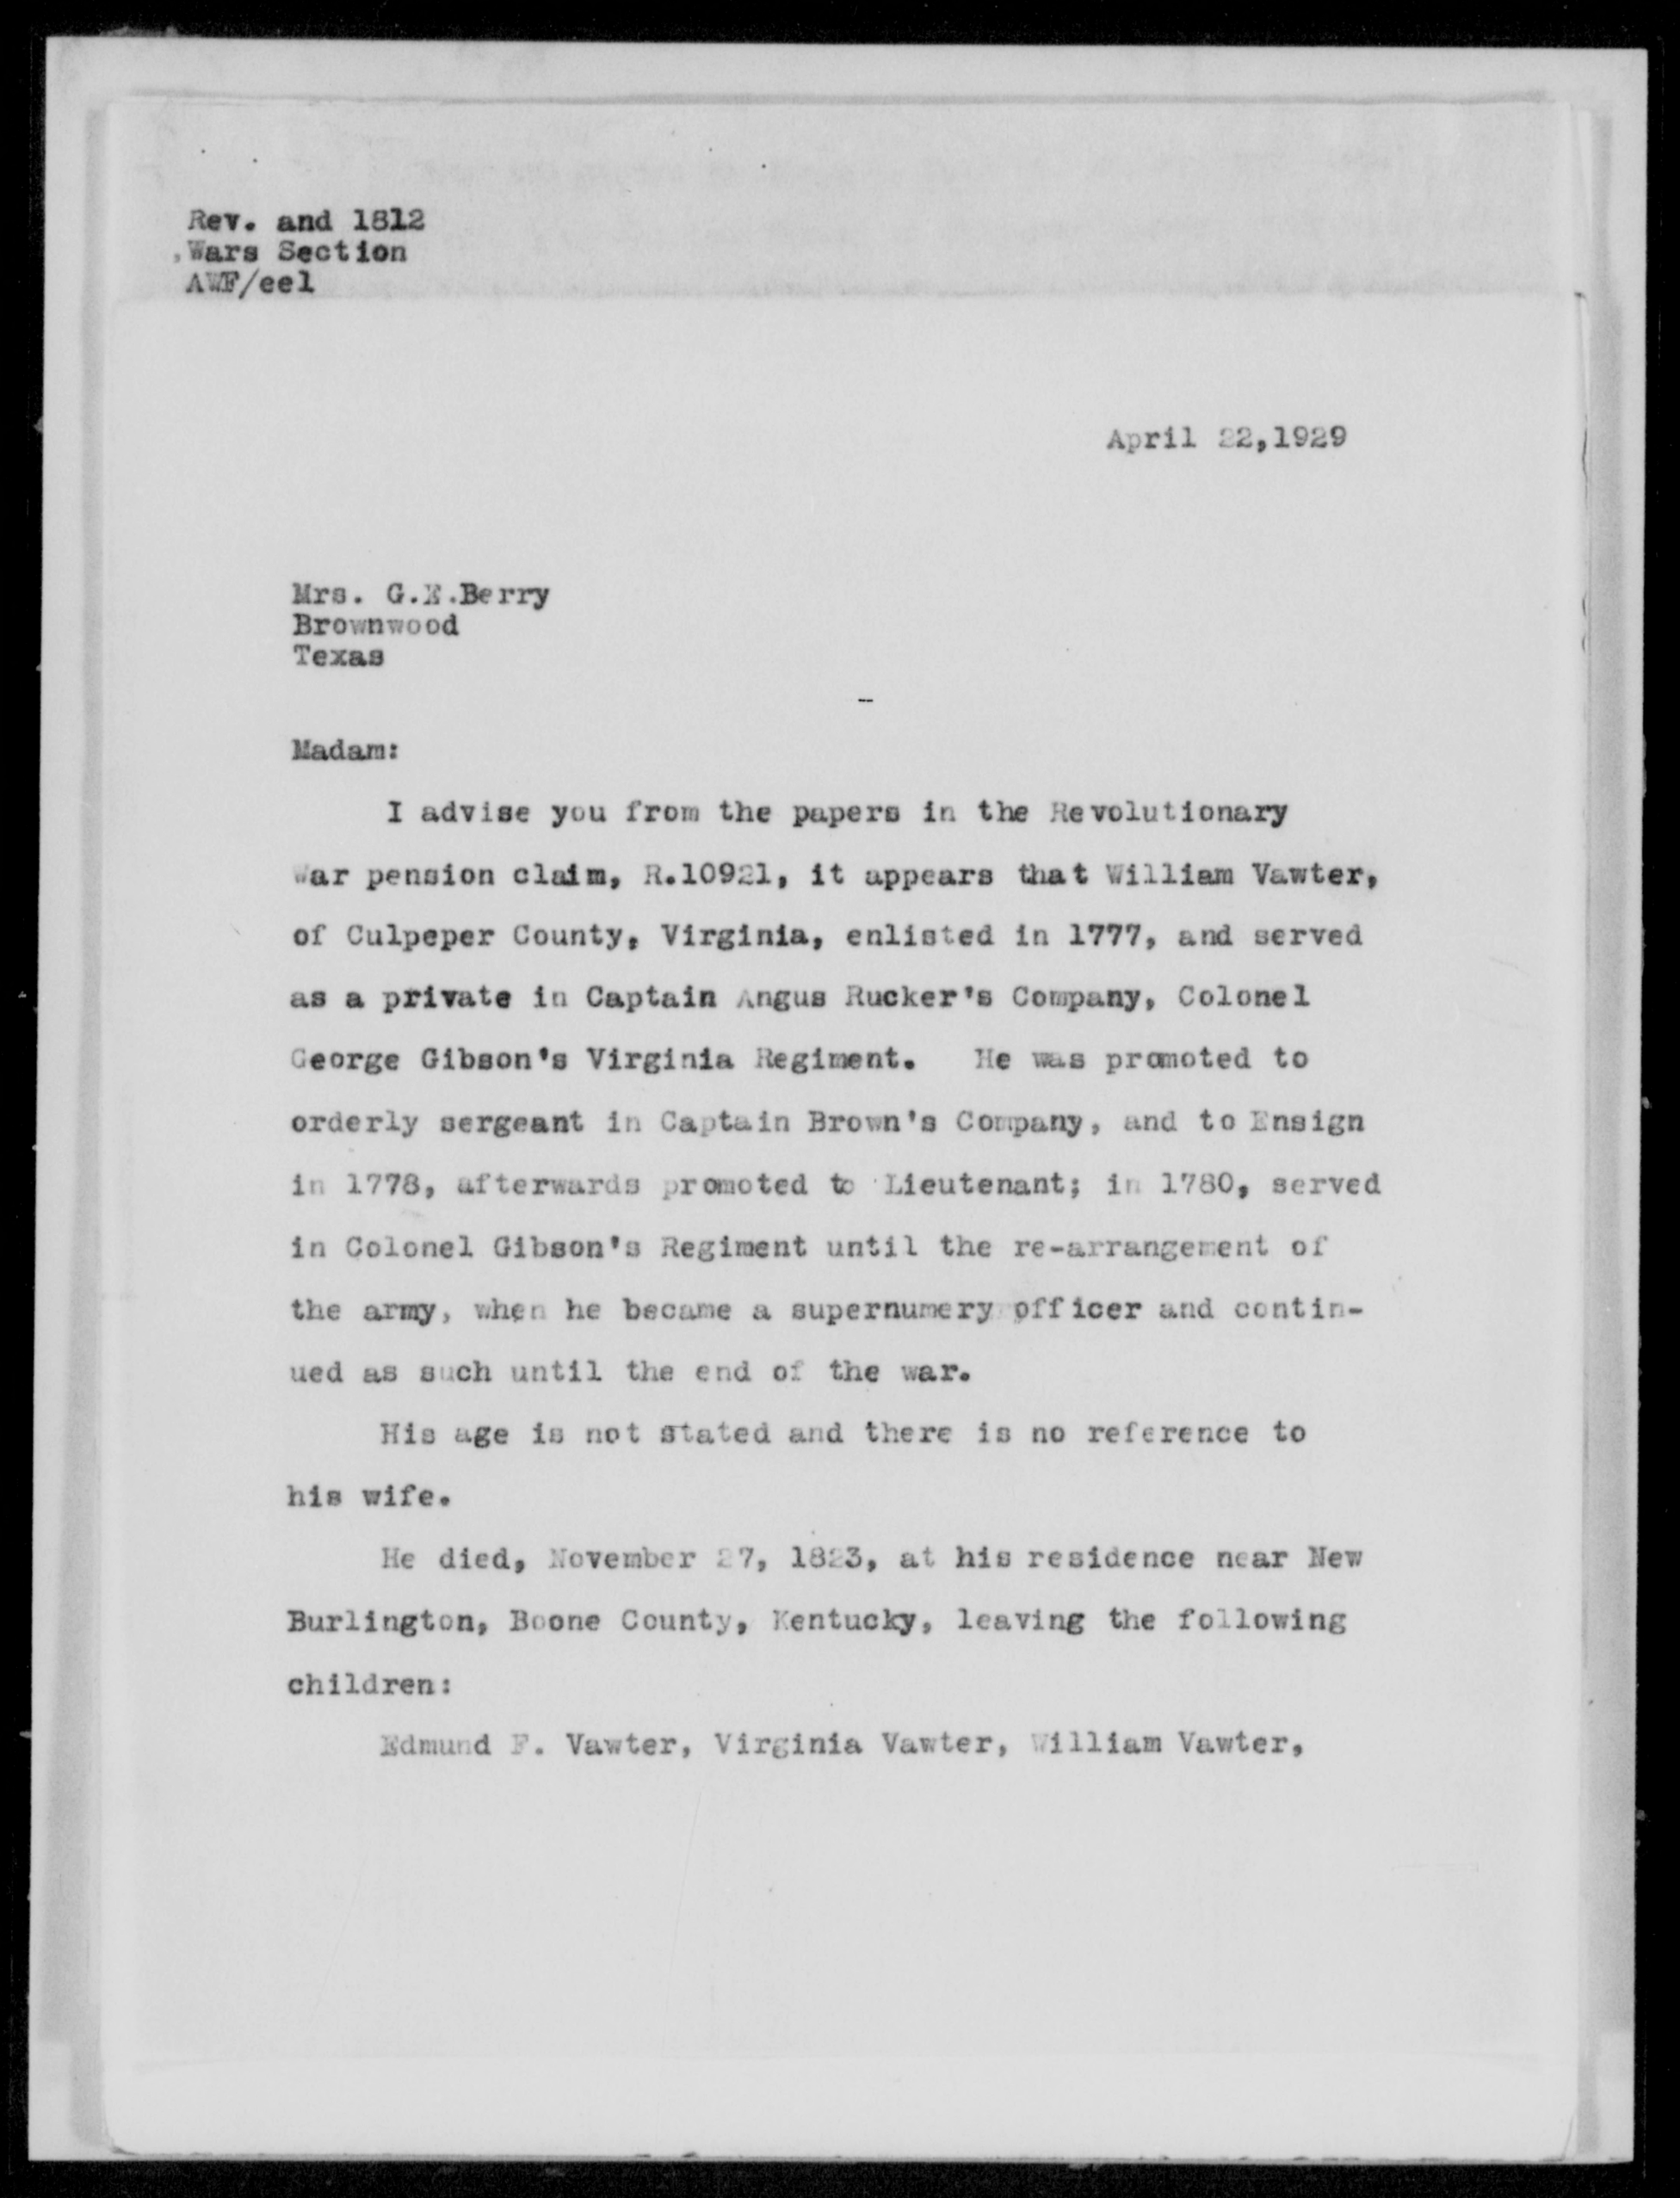Rev. and 1812
Wars Section
AWF/eel
April 22, 1929

Mrs. G. E. Berry
Brownwood
Texas

Madam:

I advise you from the papers in the Revolutionary War
pension claim, R.10921, it appears that William Vawter,
of Culpeper County, Virginia, enlisted in 1777, and served
as a private in Captain Angus Rucker's Company, Colonel
George Gibson's Virginia Regiment. He was promoted to
orderly sergeant in Captain Brown's Company, and to Ensign
in 1778, afterwards promoted to Lieutenant; in 1780, served
in Colonel Gibson's Regiment until the re-arrangement of
the army, when he became a supernumery officer and continued
as such until the end of the war.

His age is not stated and there is no reference to
his wife.

He died November 27, 1823, at his residence near New
Burlington, Boone County, Kentucky, leaving the following
children:
Edmund F. Vawter, Virginia Vawter, William Vawter,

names: Virginia Vawter, William Vawter, William Vawter, G E Berry, Edmund F Vawter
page: 32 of 51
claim: rejected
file: R. 10,921, William Vawter, Va.